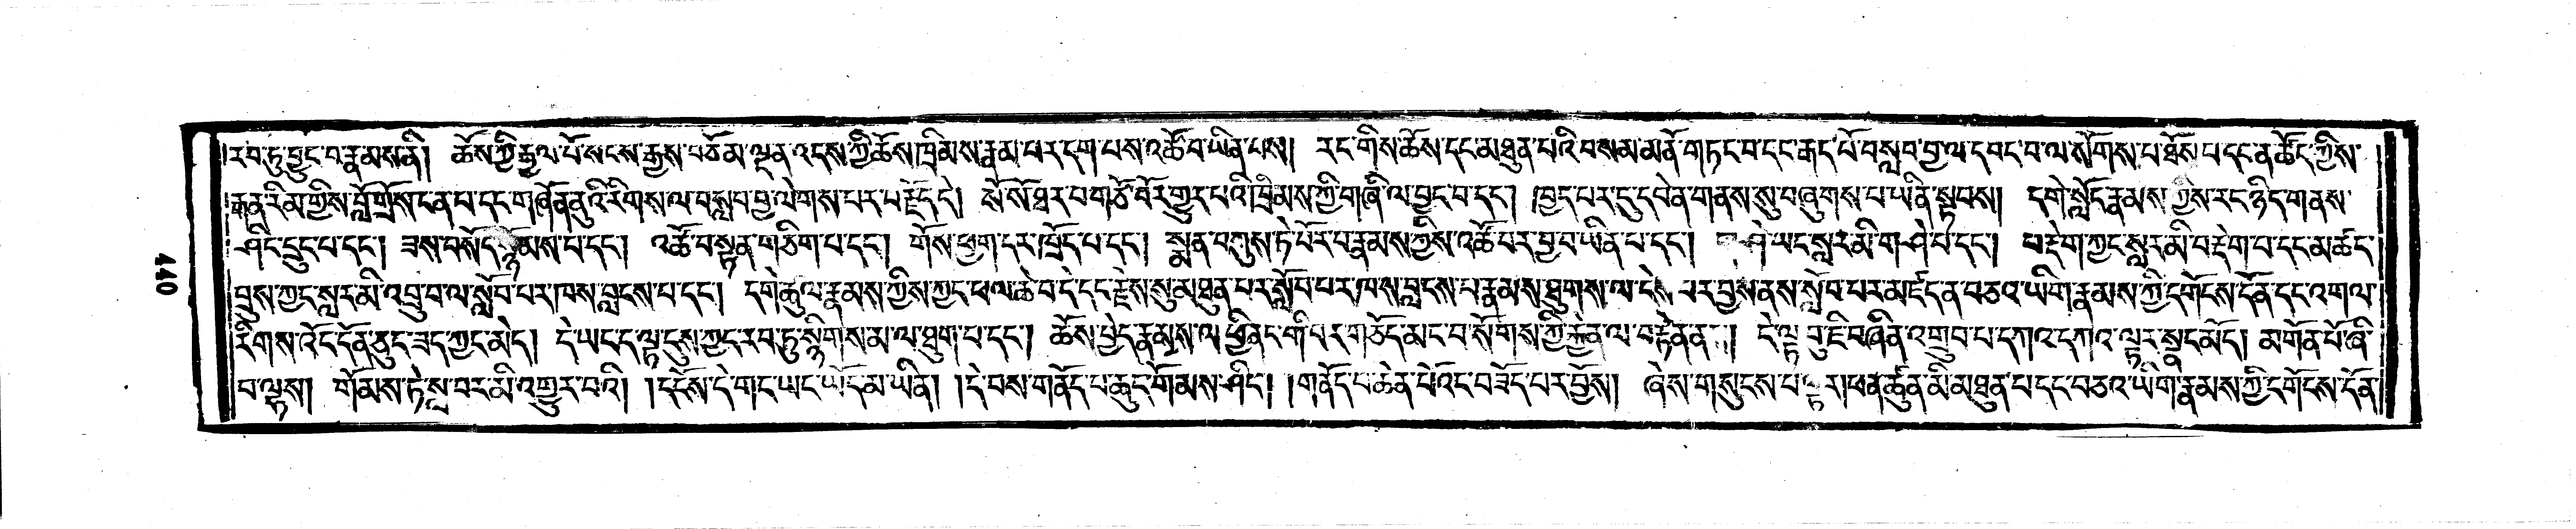རབ་ཏུ་བྱུང་བ་རྣམས་ནི། ཆོས་ཀྱི་རྒྱལ་པོ་སངས་རྒྱས་བཅོམ་ལྡན་འདས་ཀྱི་ཆོས་ཁྲིམས་རྣམ་པར་དག་པས་འཚོ་བ་ཡིན་པས། རང་གིས་ཆོས་དང་མཐུན་པའི་བསམ་མནོ་གཏང་བ་དང་རྒད་པོ་བསླབ་བྱ་ལ་དབང་བ་ལ་སོགས་པ་ཐོས་པ་དང་ན་ཚོད་ཀྱིས་
རྒན་རིམ་གྱིས་བློ་གྲོས་ངན་པ་དང་གཞོན་ནུའི་རིགས་ལ་བསླབ་བྱ་ལེགས་པར་བརྗོད་དེ། སོ་སོ་ཐར་བ་གཙོ་བོར་གྱུར་པའི་ཁྲིམས་ཀྱི་གཞི་ལ་བྱང་བ་དང་། ཁྱད་པར་དུ་དབེན་གནས་སུ་བཞུགས་པ་ཡིན་སྟབས། དགེ་སློང་རྣམས་ཀྱིས་རང་ཉིད་གནས་
ཤིང་དྲུང་བ་དང་། ཟས་བསོད་སྙོམས་པ་དང་། འཚོ་བ་སྟན་གཅིག་པ་དང་། གོས་ཕྱག་དར་ཁྲོད་པ་དང་། སྨན་བགུས་ཏེ་པོར་བ་རྣམས་ཀྱིས་འཚོ་བར་བྱ་བ་ཡིན་པ་དང་། གཤེ་ཡང་སླར་མི་གཤེ་བ་དང་། བརྡེག་ཀྱང་སླར་མི་བརྡེག་པ་དང་མཚད་
བྲུས་ཀྱང་སླར་མི་འབྲུ་བ་ལ་སློབ་པར་ཁས་བླངས་པ་དང་། དགེ་ཚུལ་རྣམས་ཀྱིས་ཀྱང་ཕལ་ཆེ་བ་དེ་དང་རྗེས་སུ་མཐུན་པར་སློབ་པར་ཁས་བླངས་པ་རྣམས་ཐུགས་ལ་ངེས་པར་བྱས་ནས་སློབ་པར་མཛད་ན་བཅའ་ཡིག་རྣམས་ཀྱི་དགོངས་དོན་དང་འགལ་
རིགས་འོང་དོན་ཅུད་ཟད་ཀྱང་མེད། དེ་ཡང་ད་ལྟ་དུས་ཀྱང་རབ་ཏུ་སྙིགས་མ་ལ་ཐུག་པ་དང་། ཆོས་བྱེད་རྣམས་ལ་ཕྱི་ནང་གི་བར་གཅོད་མང་བ་སོགས་ཀྱི་རྐྱེན་ལ་བརྟེན་ནས། དེ་ལྟ་བུ་ཇི་བཞིན་འགྲུབ་པ་དཀའ་དཀའ་ལྟར་སྣང་མོད། མགོན་པོ་ཞི་
བ་ལྷས། གོམས་ཏེ་སླ་བར་མི་འགྱུར་བའི། །དངོས་དེ་གང་ཡང་ཡོད་མ་ཡིན། །དེ་བས་གནོད་པ་ཆུད་གོམས་ཤིང་། །གནོད་པ་ཆེན་པོའང་བཟོད་པར་བྱོས། ཞེས་གསུངས་བ་ལྟར། ཕན་ཚུན་མི་མཐུན་པ་དང་བཅའ་ཡིག་རྣམས་ཀྱི་དགོངས་དོན་